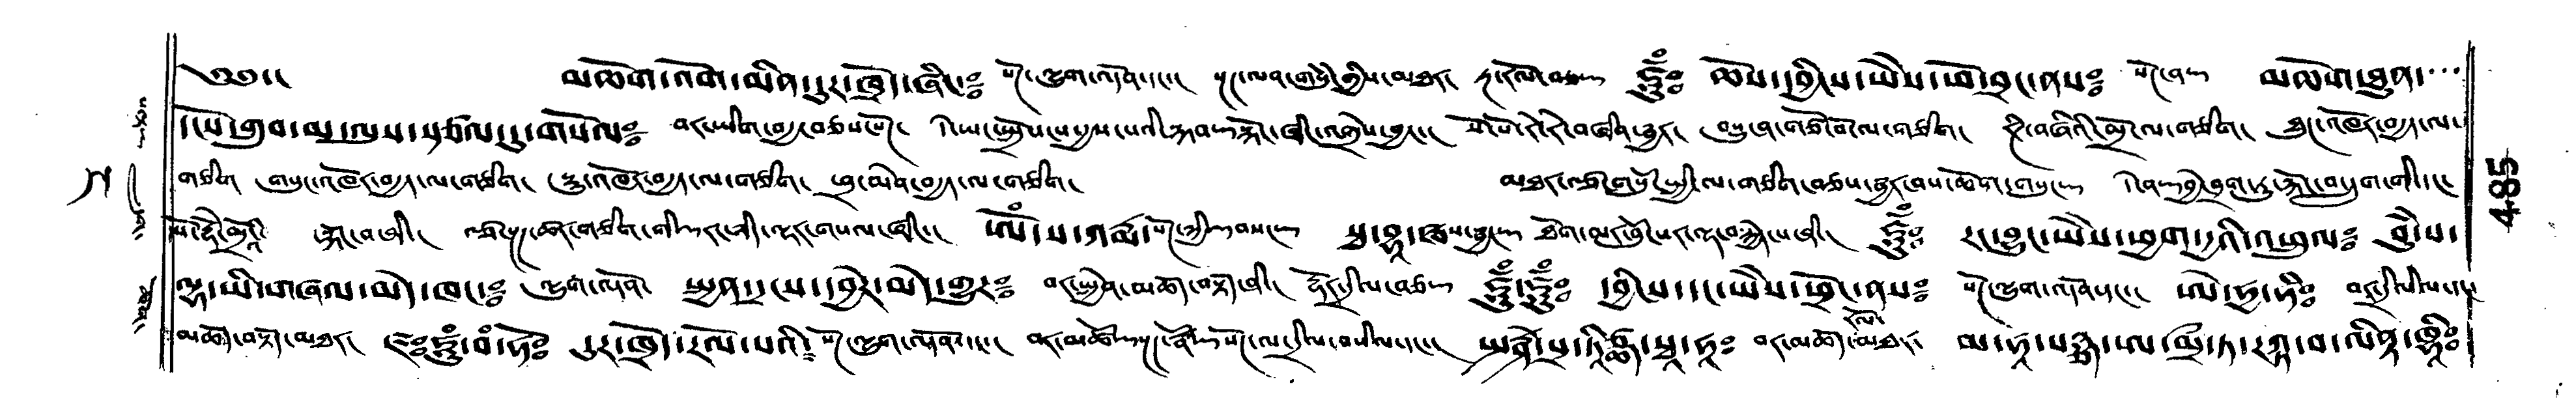མཆོག་འོག་མིན་དུར་ཁྲོད་ཞིང༔ སོགས་ལྷུག་འདོན་དང་། སྔགས་ལན་གསུམ་གྱིས་མཐར། རྔ་རོལ་བཅས། ཧཱུྃ༔ ཆོས་དབྱིངས་ཡེ་ཤེས་ཕོ་བྲང་ནས༔ སོགས་ནས། མཆོག་ཐུན་
དངོས་གྲུབ་མ་ལུས་སྩལ་དུ་གསོལ༔ བར་ཡིག་བརྒྱ་བཅས་སོགས། དེ་ཡང་སྤྲོས་པ་རྒྱས་པའི་སྐབས་སྐོང་ཞིང་འགྲེས་བྱང་སོ་སོ་རེ་རེ་བཞིན་སྦྱར། བསྡུ་ན་གཙོ་བོ་ལ་གཅིག རིགས་བཞིའི་མཁའ་འགྲོ་ལ་གཅིག ཐུགས་འཁོར་བརྒྱད་ལ་
གཅིག གསུང་འཁོར་བརྒྱད་ལ་གཅིག སྐུ་འཁོར་བརྒྱད་ལ་གཅིག ཕྲ་མེན་བརྒྱད་ལ་གཅིག མཐར་རྩ་གསུམ་སྤྱི་ལ་གཅིག་བཅས་སྦྱར་བས་ཆོག་གསུངས། དེ་ནས་བྱེ་བྲག་ཏུ་སྐོང་བ་དྲུག་གི་དང་
པོ་རྡོ་རྗེ་མཁའ་འགྲོའི་ སྐོང་བ་ནི། རྩ་སྔགས་ཚར་གཅིག་གིས་རང་ཉིད་ལྷར་གསལ་ཞིང་། ཨོཾ་ས་ཀརྨ༴ སོགས་ཀྱིས་བསང་། སྭ་བྷཱ་ཝ ས་སྦྱང་། ཐོག་མར་བུམ་པར་ལྷ་སྐྱེད་པ་ནི། ཧཱུྃ༔ རང་བྱུང་ཡེ་ཤེས་ཕྱག་རྒྱའི་འཕྲུལ༔ བུམ་པ་
ལྷ་ཡི་གཞལ་མེད་ཁང༔ལྷུག་འདོན། སྤྱན་དྲངས་དབྱེར་མེད་གྱུར༔ བར་སྤྱན་འདྲེན་མཆོད་བསྟོད་ནི། རྡོར་དྲིལ་བཅས། ཧཱུྃ་ཧཱུྃ༔ དབྱིངས་དང་ཡེ་ཤེས་ཕོ་བྲང་ནས༔ སོགས་ལྷུག་འདོན་དང་། ཨེ་ཧྱ་ཧིཿ བར་དྲིལ་བསིལ་དང་
མཆོད་བསྟོད་མཐར། ཛཿཧཱུྃ་བཾ་ཧོ༔ དུར་ཁྲོད་རོལ་པའི༴ སོགས་ལྷུག་འདོན་དང་། བར་མཚམས་སྔགས་རྣམས་སོགས་ལ་དྲིལ་བསིལ་དང་། སྤརྴེ་པྲ་ཏཱིཙྪ་སྭ་ཧཱ༔ བར་མཆོད་རོལ་མཐར། མ་ཧཱ་པཉྩ་ཨ་མྲྀ་ཏ་རཀྟ་བ་ལིང་ཏ་ཁཱ་ཧཱི༔